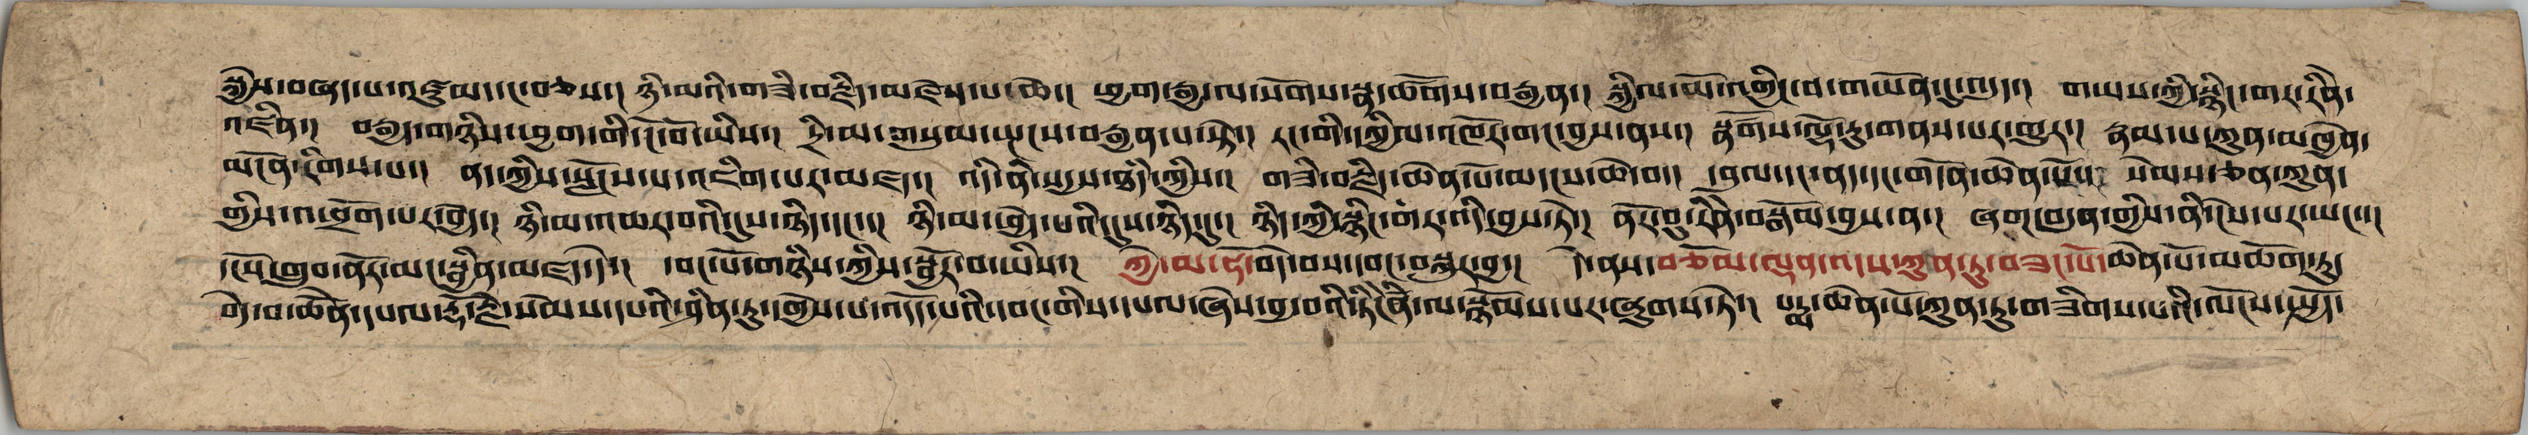སྐྱེས་བཞད་པ་འཛུམ་དང་བཅས་། ཉི་མའི་གཟི་བརྗིད་མཛེས་པ་ཆེ་། ཕྱག་རྒྱ་ལ་སོགས་སྣ་ཚོགས་བརྒྱན་། སྐྱིལ་མོ་འགྱིང་བ་གཡོན་དུ་འདུད་། གཡས་ཀྱི་སྙིང་གར་རིནེ་
འཛིན་། བརྒྱད་གཉིས་ཕྱག་གི་ངོ་བོ་ཡིས་། དྲི་མ་གསུམ་སྤངས་བརྒྱན་པ་སྟེ་། རང་གི་དཀྱིལ་འཁོར་གང་བྱས་ནས་། སྣོ༹གས་ལྷོ་རུ་གནས་པར་འགྱུར་། རྣམ་པ་ཀུན་མཁྱེན་
མངོན་རིགས་པ་། ནད་ཀྱིས་སློངས་པ་འཇིག་པར་མཛད་། འདི་ནི་སདྱས་ཐཾད་ཀྱིས་། གཟི་བརྗིད་ཆེན་པོ་མདངས་ཆེ་བ་། དབུལ་དང་ནད་དང་གདོན་ཆེན་པོས སེམས་ཅན་ཀུན་
གྱིས་འཕྲོག་པར་བྱེད་། ཉི་མ་འཆར་བའི་དུས་ཉིད་དང་་། ཉི་མ་ཕྱེད་པའི་དུས་ཉིད་དུ་། ཉིད་ཀྱི་སྙིང་གར་འདི་བྱས་ཏེ་། ནོར་བུ་རིེན་བསྒོམ་བྱས་ན་། ཞག་བདུན་གྱིས་ནི་ངེས་པར་ཡང་་།
དངོས་གྲུབ་ནོར་མང་སྦྱིན་མཛད་དེ་། དབང་པོ་གཉིས་ཀྱིས་སྦྱོར་བ་ཡིས་། ཀྱེ་མ་ཧོ་བདེ་བས་དབང་བསྐུར་བྱ་། དེ་ནས་བཅོམ་ལྡན་འདས་ཀུན་ཏུ་བཟང་པོ་ཆེན་པོ་མཆོག་ཏུ་
བདེ་བ་ཆེནོ་དཔལ་རྡོ་རྗེ་སེམས་དཔའི་ཤིན་ཏུ་དགྱེས་པ་འདོད་པའི་དབང་གིས་དཔལ་ཞེས་བྱ་བའི་ཏིངེནི་ལ་སྙོམས་པར་ཞུགས་ཏེ་། པདྨ་ཆེན་པོ་ཀུན་ཏུ་གཟིགས་པའི་ལོངས་སྤྱོད་